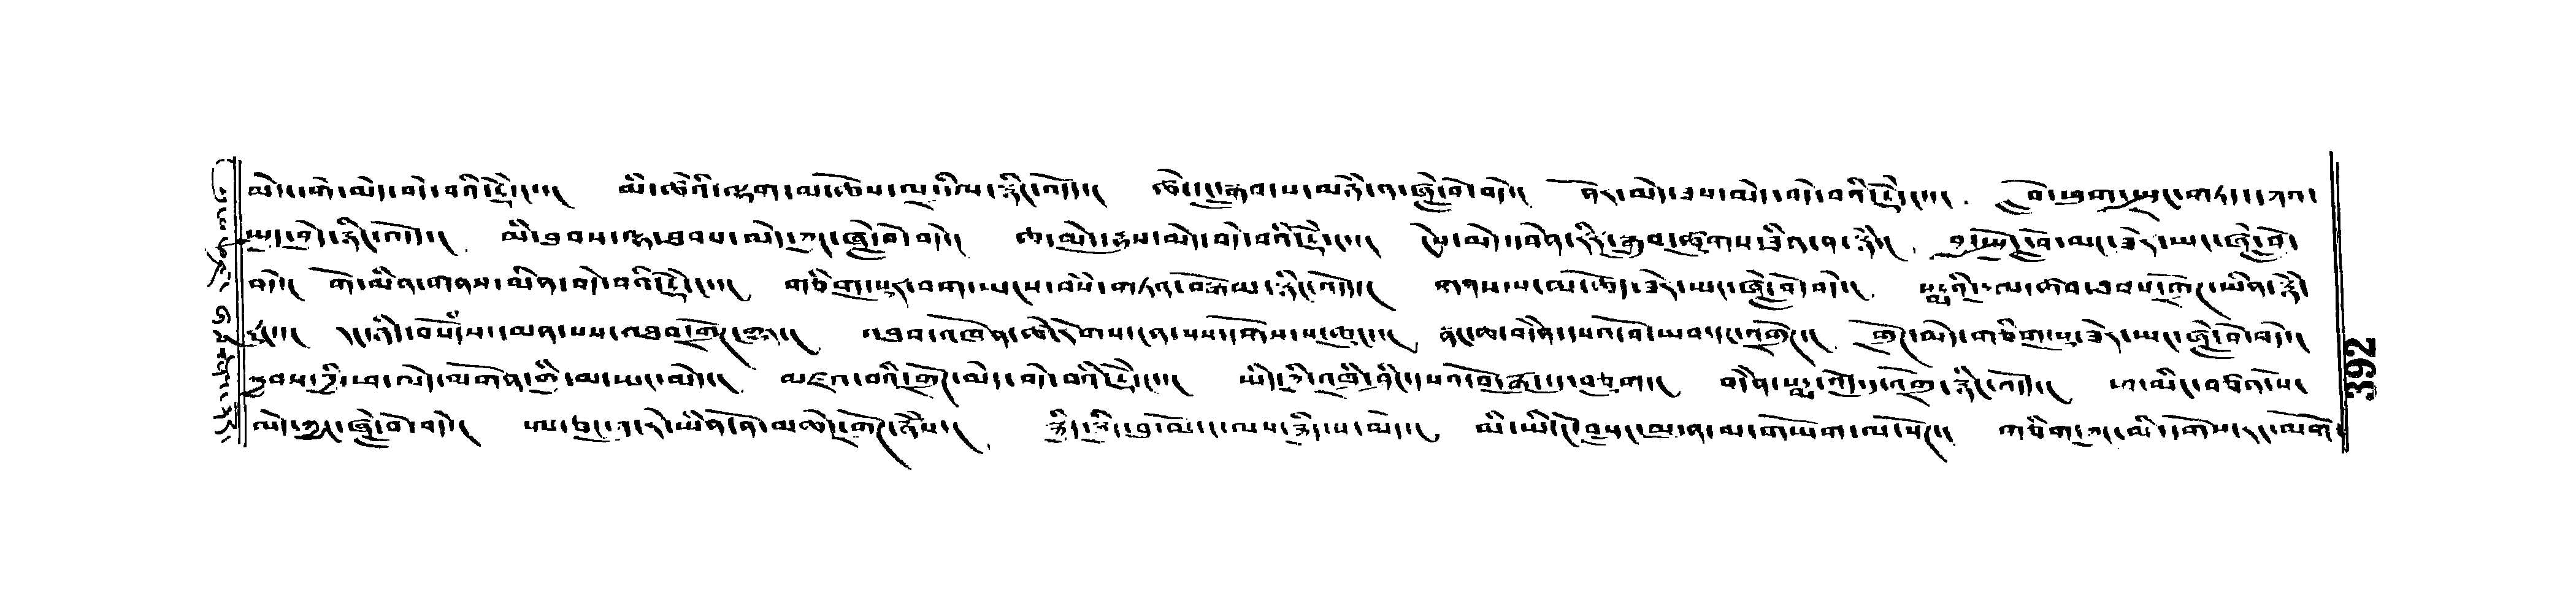མེད་དགེ་མེད་བདེ་བའི་རྡོ་རྗེ་ང་། །མི་ཚེའི་ལྷག་མ་ཆོས་ལ་དྲིལ་སྙིང་འདོད། །ཚེ་དང་སྒྲུབ་པ་མཉམ་ན་ཞེ་བློ་བདེ། །ནོར་མེད་ཟས་མེད་བདེ་བའི་རྡོ་རྗེ་ང་། །བློ་ཕུག་སྤྲང་གཏད་དཀའ་
སྤྱད་བྱེད་སྙིང་འདོད། །མི་ཐབས་ལྷ་ཐབས་མེད་ཀྱང་ཞེ་བློ་བདེ། །ཆ་མེད་རྒྱུས་མེད་བདེ་བའི་རྡོ་རྗེ་ང་། །ངེས་མེད་དབེན་རིར་སྒྲུབ་ཚུགས་ཟིན་ན་སྙམ། །བྱ་སྤྱོད་བློ་མང་ཟེར་ཡང་ཞེ་བློ་
བདེ། །གོ་མིན་གནས་མིན་བདེ་བའི་རྡོ་རྗེ་ང་། །གཅིག་པུར་བག་ཡངས་བསམ་གཏན་བསྒོམ་སྙིང་འདོད། །གནས་ས་མ་ཆོད་ཟེར་ཡང་ཞེ་བློ་བདེ། །པདྨའི་རྒྱལ་ཚབ་ཐབས་གྲོགས་ཡིན་སྙམ་
རུང་། རང་ཉིད་བསོད་ནམས་དམན་པས་འཐབ་གྲོགས་གྱུར། །འཐབ་འཁོན་ཚེ་རོགས་ངན་པས་དགོས་པ་ཆུང་། །སྣང་ཆ་བདེ་ཆེན་དཔའ་བོ་ཡབ་དང་འགྲོགས། །གྲོགས་མེད་གཅིག་པུ་ཟེར་ཡང་ཞེ་བློ་བདེ་། །
སྐྱབས་ཀྱི་ཕ་མེད་མགོན་གྱི་མ་ཡང་མེད། །མཛའ་བའི་གྲོས་མེད་བདེ་བའི་རྡོ་རྗེ་ང་། །ཡིད་ཀྱི་འཁྲི་ཤིང་དཔའ་བོ་རྒུད་དུ་བཅུག།བདེ་ཆེན་པདྨ་འོད་དུ་འགྲོ་སྙིང་འདོད། །ཕ་མིང་བཙན་པོ་
ལོད་ཀྱང་ཞེ་བློ་བདེ་། ཨ་ཅང་ཀུ་རེ་ཡིན་ནོ་མཆེད་གྲོགས་རྣམས། །སྐྱིད་སྐྱོད་བུ་མོ་ང་ལས་སྐྱིད་པ་མེད། །མི་ཡི་ངོ་བསྲུང་མདུན་མ་གཡོག་ལ་སོགས། །གཅིག་ཀྱང་མི་དགོས་རང་མགོ་